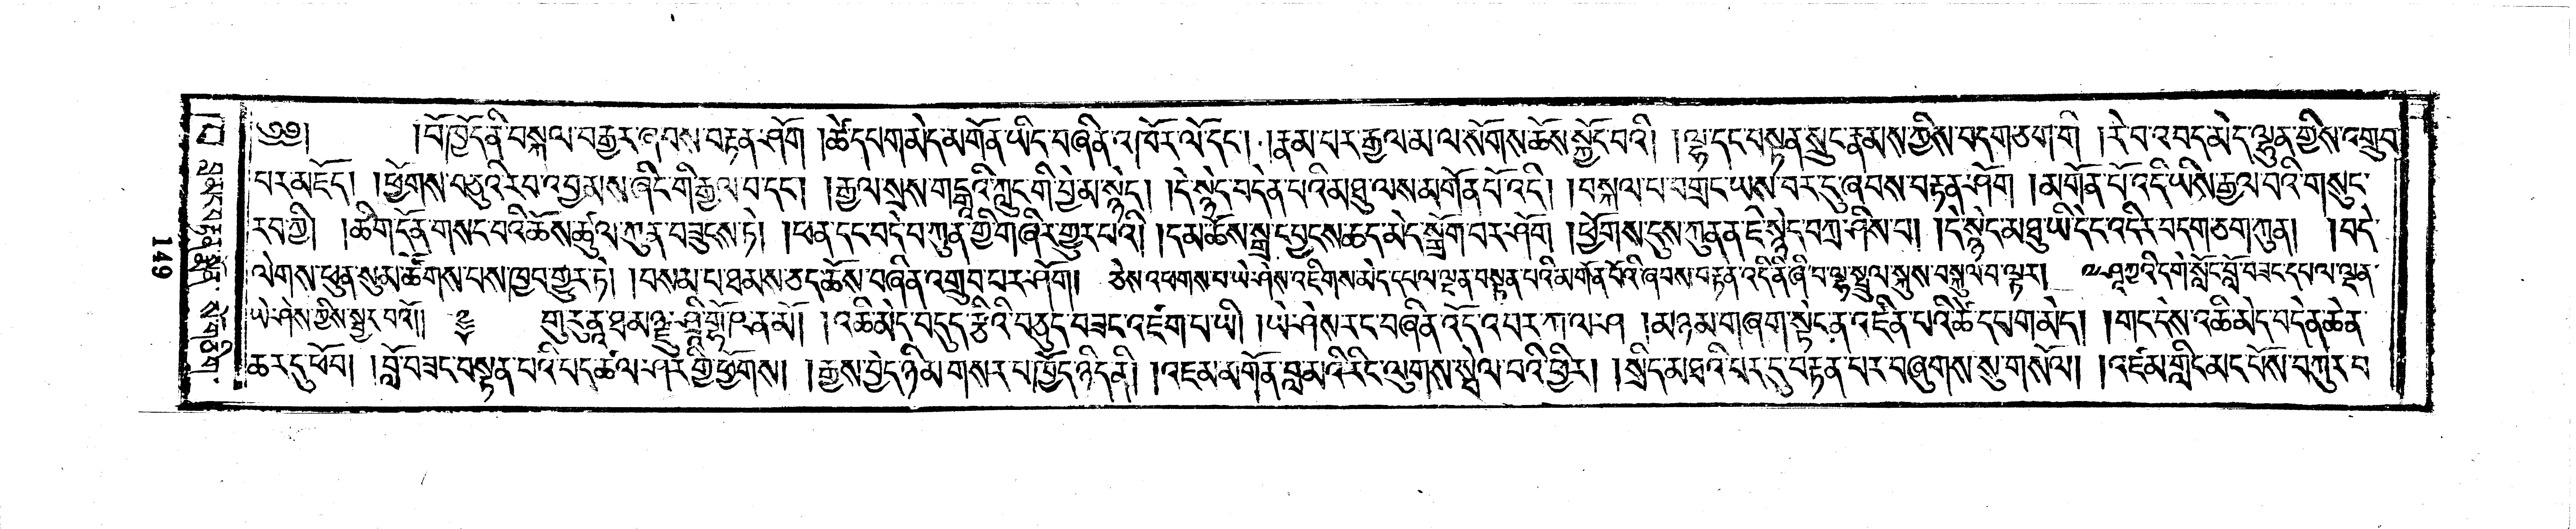༄༅། །བོ་ཁྱོད་ནི་བསྐལ་བརྒྱར་ཞབས་བརྟན་ཤོག །ཚེ་དཔག་མེད་མགོན་ཡིད་བཞིན་འཁོར་ལོ་དང་། །རྣམ་པར་རྒྱལ་མ་ལ་སོགས་ཆོས་སྐྱོང་བའི། །ལྷ་དང་བསྟན་སྲུང་རྣམས་ཀྱིས་བདག་ཅག་གི །རེ་བ་འབད་མེད་ལྷུན་གྱིས་འགྲུབ་
པར་མཛོད། །ཕྱོགས་བཅུའི་རབ་འབྱམས་ཞིང་གི་རྒྱལ་བ་དང་། །རྒྱལ་སྲས་གངྒཱའི་ཀླུང་གི་བྱེ་མ་སྙེད། །དེ་སྙེད་བདེན་པའི་མཐུ་ལས་མགོན་པོ་འདི། །བསྐལ་པ་བགྲང་ཡས་བར་དུ་ཞབས་བརྟན་ཤོག །མགོན་པོ་འདི་ཡིས་རྒྱལ་བའི་གསུང་
རབ་ཀྱི། །ཚིག་དོན་གསང་བའི་ཆོས་ཚུལ་ཀུན་བཟུངས་ཏེ། །ཕན་དང་བདེ་བ་ཀུན་གྱི་གཞིར་གྱུར་པའི། །དམ་ཆོས་སྒྲ་དབྱངས་ཆད་མེད་སྒྲོག་བར་ཤོག །ཕྱོགས་དུས་ཀུན་ན་ཇི་སྙེད་བཀྲ་ཤིས་པ། །དེ་སྙེད་མཐུ་ཡི་དེང་འདིར་བདག་ཅག་ཀུན། །བདེ་
ལེགས་ཕུན་སུམ་ཚོགས་པས་ཁྱབ་གྱུར་ཏེ། །བསམ་པ་ཐམས་ཅད་ཆོས་བཞིན་འགྲུབ་པར་ཤོག། ཅེས་འཕགས་པ་ཡེ་ཤེས་འཇིགས་མེད་དཔལ་ལྡན་བསྟན་པའི་མགོན་པོའི་ཞབས་བརྟན་འདི་ནི་ཞི་བ་ལྷ་སྤྲུལ་སྐུས་བསྐུལ་བ་ལྟར། ༧་ཤཱཀྱའི་དགེ་སློང་བློ་བཟང་དཔལ་ལྡན་
ཡེ་ཤེས་ཀྱིས་སྦྱར་བའོ།། ༈ གུ་རུ་ནཱ་ཐ་མ་ཉྫུ་ཤྲཱི་གྷོ་ཥ་ན་མོ། །འཆི་མེད་བདུད་རྩིའི་བཅུད་བཟང་འཛག་པ་ཡི། །ཡེ་ཤེས་རང་བཞིན་འོད་འབར་ཀ་ལ་ཤ་།མཉམ་གཞག་སྟེང་ན་འཛིན་པའི་ཚེ་དཔག་མེད། །གང་དེས་འཆི་མེད་བདེན་ཆེན་
ཆར་དུ་ཕོབ། །བློ་བཟང་བསྟན་པའི་པད་ཚལ་ཤར་གྱི་ཕྱོགས། །རྒྱས་བྱེད་ཉི་མ་གསར་པ་ཁྱོད་ཉིད་ནི། །འཇམ་མགོན་བླ་མའི་རིང་ལུགས་སྦེལ་བའི་ཕྱིར། །སྲིད་མཐའི་པར་དུ་བརྟན་པར་བཞུགས་སུ་གསོལ། །འཛམ་གླིང་མང་པོས་བཀུར་བ་